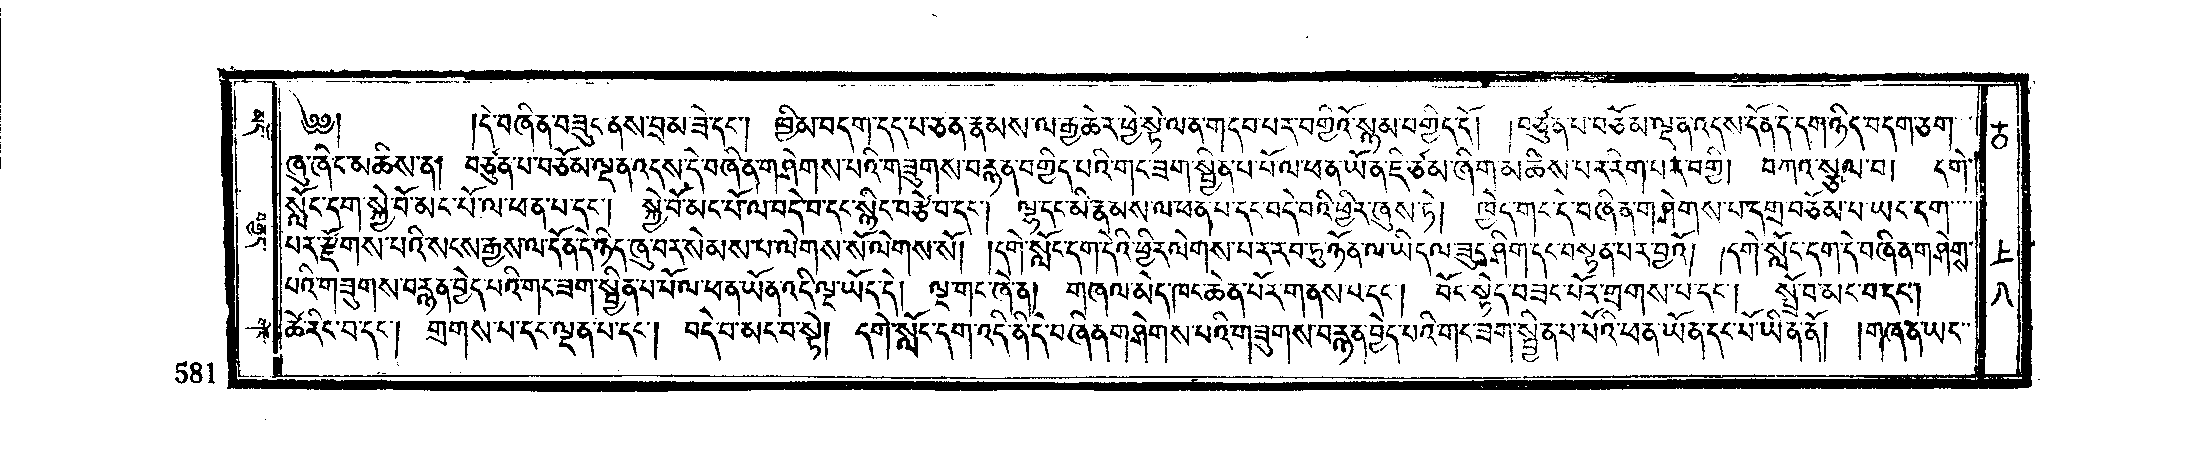༄༅། །དེ་བཞིན་བཟུང་ནས་བྲམ་ཟེ་དང་། ཁྱིམ་བདག་དད་པ་ཅན་རྣམས་ལ་རྒྱ་ཆེར་ཕྱེ་སྟེ་ལན་གདབ་པར་བགྱིའོ་སྙམ་བགྱིད་དོ། །བཙུན་པ་བཅོམ་ལྡན་འདས་དོན་དེ་དག་ཉིད་བདག་ཅག་
ཞུ་ཞིང་མཆིས་ན། བཙུན་པ་བཅོམ་ལྡན་འདས་དེ་བཞིན་གཤེགས་པའི་གཟུགས་བརྙན་བགྱིད་པའི་གང་ཟག་སྦྱིན་པ་པོ་ལ་ཕན་ཡོན་ཇི་ཙམ་ཞིག་མཆིས་པར་རིག་པར་བགྱི། བཀའ་སྩལ་བ། དགེ་
སློང་དག་སྐྱེ་བོ་མང་པོ་ལ་ཕན་པ་དང་། སྐྱེ་བོ་མང་པོ་ལ་བདེ་བ་དང་སྙིང་བརྩེ་བ་དང་། ལྷ་དང་མི་རྣམས་ལ་ཕན་པ་དང་བདེ་བའི་ཕྱིར་ཞུས་ཏེ། ཁྱེད་གང་དེ་བཞིན་གཤེགས་པ་དགྲ་བཅོམ་པ་ཡང་དག་
པར་རྫོགས་པའི་སངས་རྒྱས་ལ་དོན་དེ་ཉིད་ཞུ་བར་སེམས་པ་ལེགས་སོ་ལེགས་སོ། །དགེ་སློང་དག་དེའི་ཕྱིར་ལེགས་པར་རབ་ཏུ་ཉོན་ལ་ཡིད་ལ་ཟུང་ཤིག་དང་བསྟན་པར་བྱའོ། །དགེ་སློང་དག་དེ་བཞིན་གཤེགས་
པའི་གཟུགས་བརྙན་བྱེད་པའི་གང་ཟག་སྦྱིན་པ་པོ་ལ་ཕན་ཡོན་འདི་ལྔ་ཡོད་དེ། ལྔ་གང་ཞེ་ན། གཞལ་མེད་ཁང་ཆེན་པོར་གནས་པ་དང་། བོང་སྟེད་བཟང་པོར་གྲགས་པ་དང་། སྤྲོ་བ་མང་བ་དང་།
ཚེ་རིང་བ་དང་། གྲགས་པ་དང་ལྡན་པ་དང་། བདེ་བ་མང་བ་སྟེ། དགེ་སློང་དག་འདི་ནི་དེ་བཞིན་གཤེགས་པའི་གཟུགས་བརྙན་བྱེད་པའི་གང་ཟག་སྦྱིན་པ་པོའི་ཕན་ཡོན་དང་པོ་ཡིན་ནོ། །གཞན་ཡང་